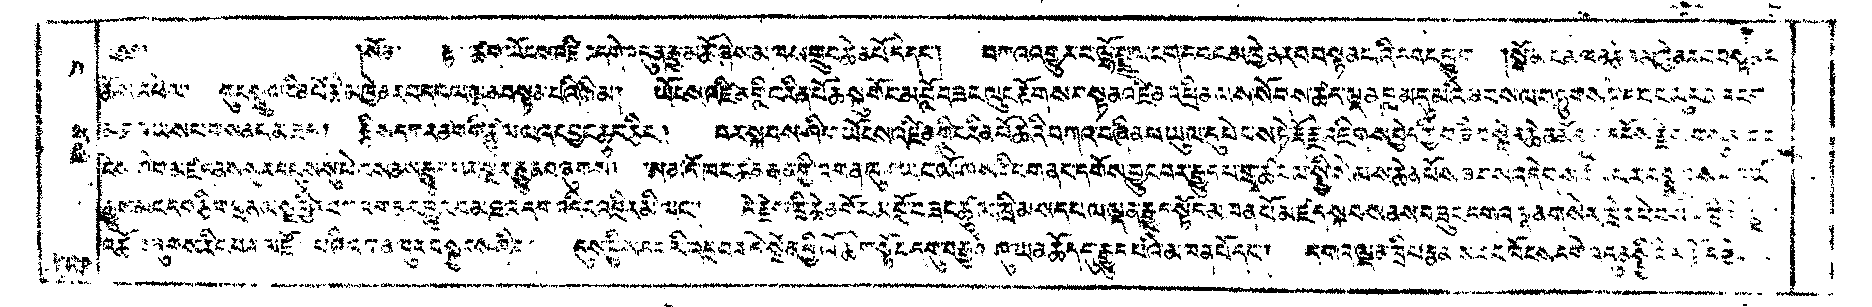༄༅། །སོན། རྟ་ཚག་ཡོངས་འཛིན་དགེ་འདུན་རྒྱ་མཚོ་ཞེས་མཁས་གྲུབ་ཆེན་པོ་དེ་དང་། བཀའ་འགྱུར་བ་ལྷོ་སྤྲུལ་ངག་དབང་མཁྱེན་རབ་བསྟན་པའི་དབང་ཕྱུག །སྒོ་མང་མཁན་ཆེན་མཁྱེན་རབ་བསྟན་པ་
ཆོས་འཕེལ། གུང་སྤྲུལ་རིན་པོ་ཆེ་མཁྱེན་རབ་དཔལ་ལྡན་བསྟན་པའི་ཉི་མ། ཡོངས་འཛིན་གླིང་རིན་པོ་ཆེ་སྐུ་གོང་མ་བློ་བཟང་ལུང་རྟོགས་བསྟན་འཛིན་འཕྲིན་ལས་སོགས་ཚད་ལྡན་བླ་མ་དུ་མའི་ཞབས་ལ་གཏུགས་ཏེ་དབང་ལུང་མན་ངག་
མཐའ་ཡས་པ་གསན་པ་མ་ཟད། རྩིས་དཀར་ནག་གི་ཚུལ་ལའང་བྱང་ཆུབ་ཅིང་། བར་སྐབས་ཤིག་ཡོངས་འཛིན་གླིང་རིན་པོ་ཆེའི་བཀའ་བཞིན་ཕ་ཡུལ་དུ་ཕེབས་ཏེ་རྡོ་རྗེ་འཇིགས་བྱེད་ཀྱི་གཞི་བསྙེན་ཆེན་མོ་སྦྱོར་དངོས་རྗེས་གསུམ་ཚང་
ངེས་ཤིག་མཛད་ནས་སླར་དབུས་སུ་ཕེབས་ནས་རྒྱུད་པར་སྔར་རྒྱུན་བཞུགས། ཨ་མདོ་ཁང་ཚན་རྒན་གྱི་འགན་ཁུར་ཡང་ལོ་ཤས་རིང་གནང་དགོས་བྱུང་བར་རྒྱུད་པ་གྲྭ་ཚང་ལ་སྤྱི་སེམས་ཆེན་པོས་ཞབས་འདེགས་རིམ་པར་བསྒྲུབས་པའི་ལོ་
རྒྱུས་མང་དག་ཅིག་ཕྲན་ལ་སྔ་ཕྱིར་བཀའ་གནང་བྱུང་བ་མཐའ་དག་འདིར་འབྲིར་མི་ལང་། དེ་རྗེས་ཁྲི་ཆེན་གོང་མ་བློ་བཟང་ཚུལ་ཁྲིམས་དཔལ་ལྡན་རྒྱུད་སྟོད་མཁན་པོ་མཛད་སྐབས་ནས་བཟུང་དགའ་ལྡན་གསེར་ཁྲིར་ཕེབས་ཏེ་ཁྲི་ལོ་ལྔ་
འཚོ་བཞུགས་རིང་བར་མཛོད་པའི་འགན་ཁུར་བསྐྱངས་ཤིང་། དུས་ཕྱིས་དང་མི་འདྲ་བར་དེ་སྔོན་ཕྱི་ལོ་ཆིག་སྟོང་དགུ་བརྒྱ་ཉི་ཤུ་ཡན་ཆོད་དུ་རྒྱུད་པའི་མཁན་པོ་དང་། དགའ་ལྡན་ཁྲི་པ་རྣམས་རང་ཁོངས་དགེ་འདུན་སྤྱིའི་མཆོད་ཐེབས་